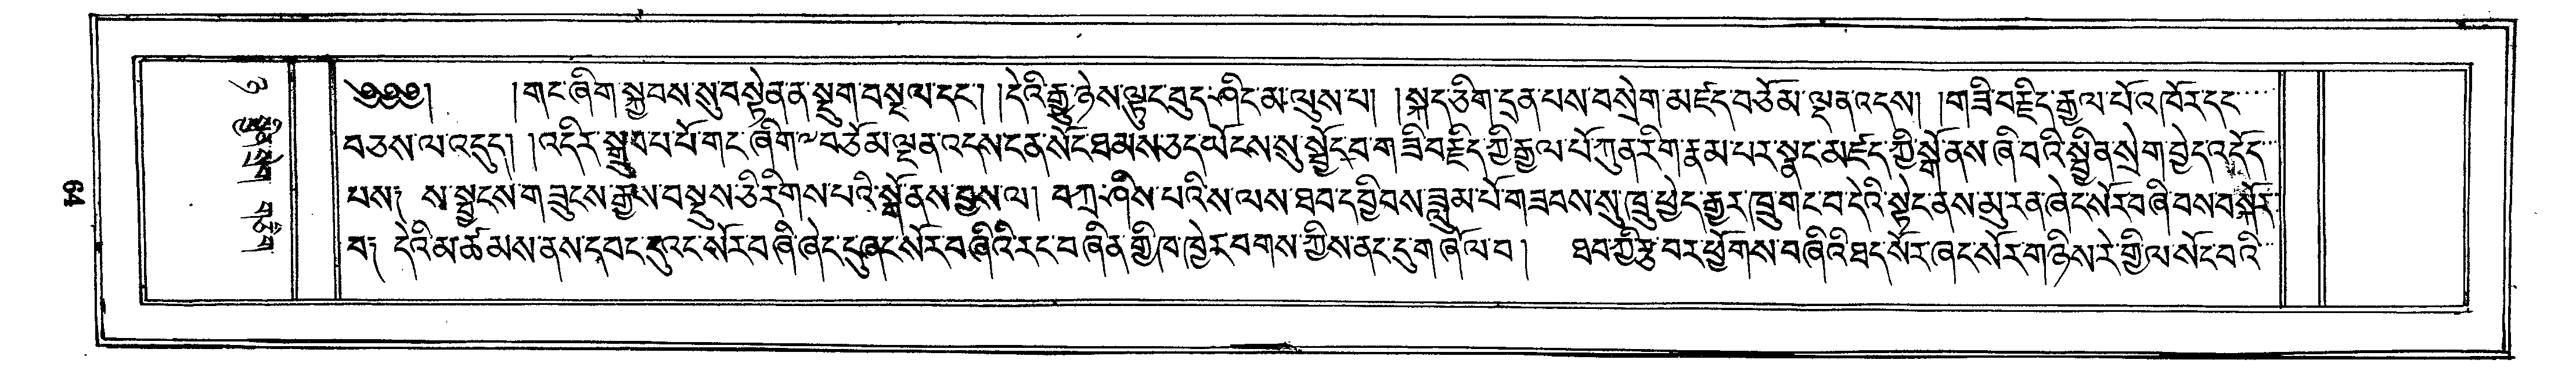༄༅༅། །གང་ཞིག་སྐྱབས་སུ་བསྟེན་ན་སྡུག་བསྔལ་དང་། །དེའི་རྒྱུ་ཉེས་ལྟུང་བུད་ཤིང་མ་ལུས་པ། །སྐད་ཅིག་དྲན་པས་བསྲེག་མཛད་བཅོམ་ལྡན་འདས། །གཟི་བརྗིད་རྒྱལ་པོ་འཁོར་དང་
བཅས་ལ་འདུད། །འདིར་སྒྲུབ་པ་པོ་གང་ཞིག ༧བཅོམ་ལྡན་འདས་ངན་སོང་ཐམས་ཅད་ཡོངས་སུ་སྦྱོང་བ་གཟི་བརྗིད་ཀྱི་རྒྱལ་པོ་ཀུན་རིག་རྣམ་པར་སྣང་མཛད་ཀྱི་སྒོ་ནས་ཞི་བའི་སྦྱིན་སྲེག་བྱེད་འདོད་
པས༑ ས་སྦྱངས་གཟུངས་རྒྱས་བསྡུས་ཅི་རིགས་པའི་སྒོ་ནས་བྱས་ལ། བཀྲ་ཤིས་པའི་ས་ལས་ཐབ་དབྱིབས་ཟླུམ་པོ་གཟབས་སུ་ཁྲུ་ཕྱེད་རྒྱར་ཁྲུ་གང་པ་དེའི་སྟེང་ནས་མུ་རན་ཞེང་སོར་བཞི་པས་བསྐོར་
བ༑ དེའི་མཚམས་ནས་དཔང་དུའང་སོར་བཞི་ཞེད་དུའང་སོར་བཞིའི་རང་བཞིན་གྱི་ཁ་ཁྱེར་བགས་ཀྱིས་ནང་དུ་གཞལ་བ། ཐབ་ཀྱི་རྩ་བར་ཕྱོགས་བཞིའི་ཐད་སོར་ཞེང་སོར་གཉིས་རེ་ཕྱི་ལ་སོང་བའི་